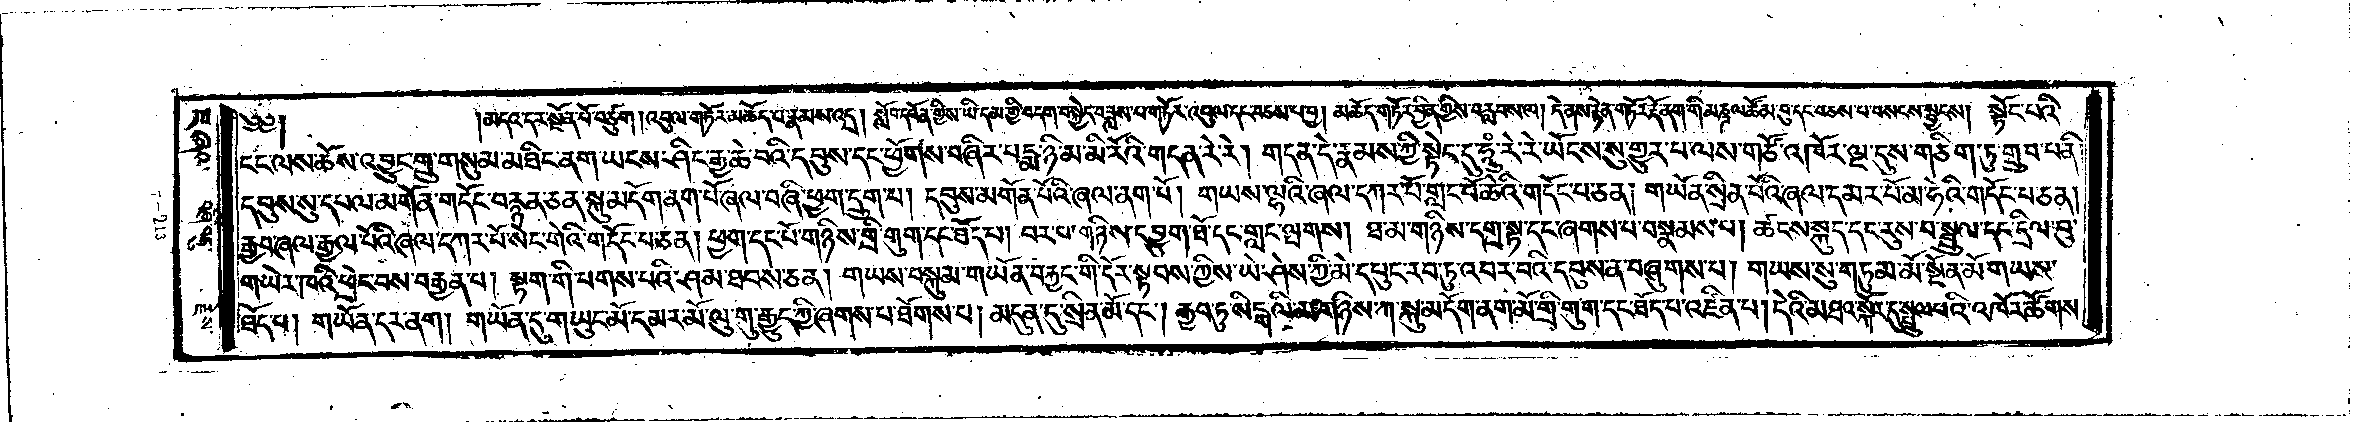༄༅། །མདའ་དར་སྔོན་པོ་བཙུག །འབུལ་གཏོར་མཆོད་པ་རྣམས་འདྲ། སློབ་དཔོན་གྱིས་ཡི་དམ་གྱི་བདག་བསྐྱེད་བཟླས་པ་གཏོར་འབུལ་དབང་བཅས་པ་བྱ། མཆོད་གཏོར་བྱིན་གྱིས་བརླབས་ལ། དེ་ནས་རྟེན་གཏོར་རྡོ་ནག་གི་མཎྜལ་ཚོམ་བུ་དང་བཅས་པ་བསངས་སྦྱངས། སྟོང་པའི་
ངང་ལས་ཆོས་འབྱུང་གྲུ་གསུམ་མཐིང་ནག་ཡངས་ཤིང་རྒྱ་ཆེ་བའི་དབུས་དང་ཕྱོགས་བཞིར་པདམ་ཉི་མ་མི་རོའི་གདན་རེ་རེ། གདན་དེ་རྣམས་ཀྱི་སྟེང་དུ་ཧཱུཾ་རེ་རེ་ཡོངས་སུ་གྱུར་པ་ལས་གཙོ་འཁོར་ལྔ་དུས་གཅིག་ཏུ་གྲུབ་པ་ནི་
དབུས་སུ་དཔལ་མགོན་གདོང་བརྙན་ཅན་སྐུ་མདོག་ནག་པོ་ཞལ་བཞི་ཕྱག་དྲུག་པ། དབུས་མགོན་པོའི་ཞལ་ནག་པོ། གཡས་ལྷའི་ཞལ་དཀར་པོ་གླང་པོ་ཆེའི་གདོང་པ་ཅན། གཡོན་སྲིན་པོའི་ཞལ་དམར་པོ་མ་ཧེའི་གདོང་པ་ཅན།
རྒྱབ་ཞལ་རྒྱལ་པོའི་ཞལ་དཀར་པོ་སེང་གེའི་གདོང་པ་ཅན། ཕྱག་དང་པོ་གཉིས་གྲི་གུག་དང་ཐོད་པ། བར་བ་གཉིས་དབྱུག་ཐོ་དང་གླང་ཝགས། ཐ་མ་གཉིས་དགྲ་སྟ་དང་ཞགས་པ་བསྣམས་པ། གཡས་སུ་སྐུད་དང་རུས་པ་སྤྲུལ་དང་དྲིལ་ཁུ་
གཡེར་ཁའི་ཕྲེང་བས་བརྒྱན་པ། སྟག་གི་པགས་པའི་ཤམ་ཐབས་ཅན། གཡས་བསྐུམ་གཡོན་བརྐྱང་གི་དོར་སྟབས་ཀྱིས་ཡེ་ཤེས་ཀྱི་མེ་དཔུང་རབ་ཏུ་འབར་བའི་དབུས་ན་བཞུགས་པ། གཡས་སུ་གཏུམ་མོ་སྔོན་མོ་གཡས་
ཐོད་པ། གཡོན་དར་ནག ། གཡོན་དུ་གཡུང་མོ་དམར་མོ་ལུ་གུ་རྒྱུད་ཀྱི་ཞགས་པ་ཐོགས་པ། མདུན་དུ་སྲིན་མོ་དང་། རྒྱབ་ཏུ་སིངྒ་ལིམ་གཉིས་ཀ་སྐུ་མདོག་ནག་མོ་གྲི་གུག་དང་ཐོད་པ་འཛིན་པ། དེའི་མཐའ་སྐོར་དུ་སྤྲུལ་པའི་འཁོར་ཚོགས།